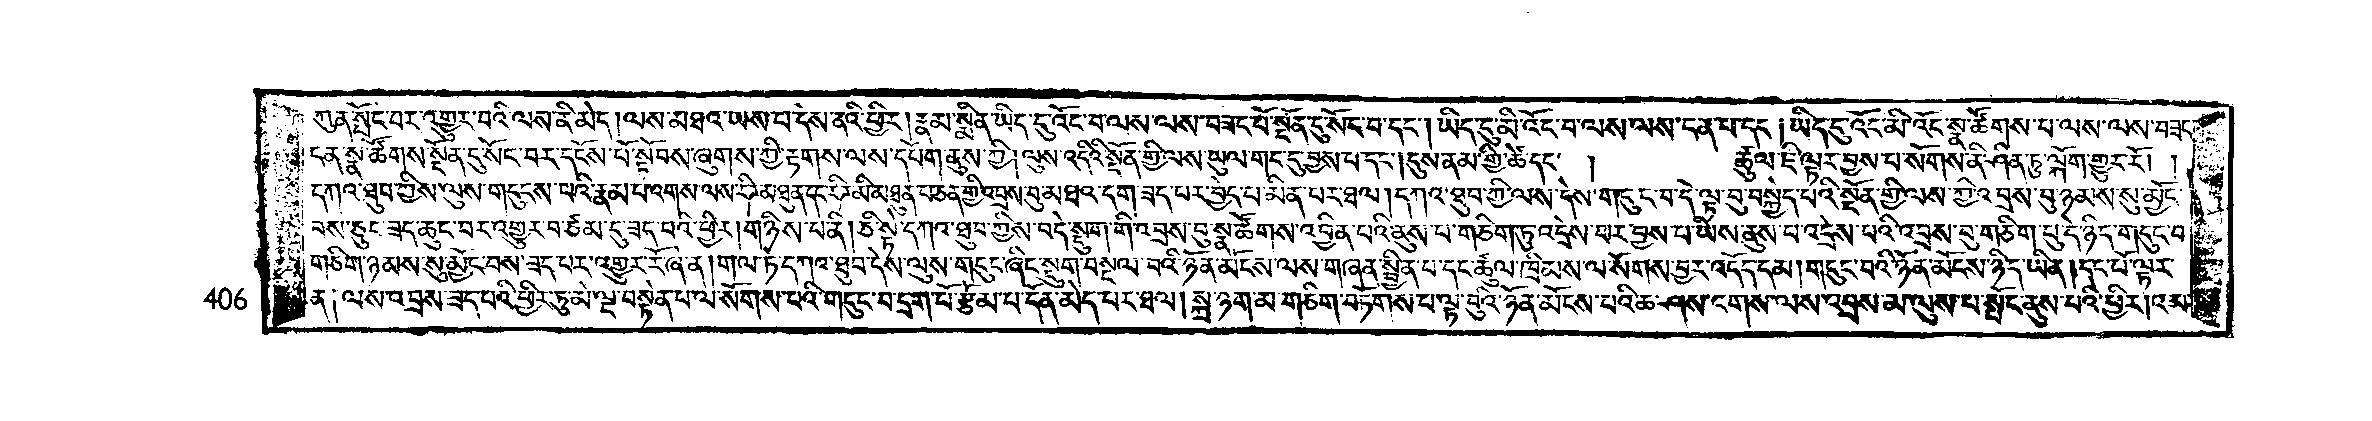ཀུན་སྤོང་བར་འགྱུར་བའི་ལས་ནི་མེད། ལས་མཐའ་ཡས་པ་དེས་ནའི་ཕྱིར། རྣམ་སྨིན་ཡིད་དུ་འོང་བ་ལས་ལས་བཟང་པོ་སྔོན་དུ་སོང་བ་དང་། ཡིད་དུ་མི་འོང་བ་ལས་ལས་ངན་པ་དང་། ཡིད་དུ་འོང་མི་འོང་སྣ་ཚོགས་པ་ལས་ལས་བཟང་
ངན་སྣ་ཚོགས་སྔོན་དུ་སོང་བར་དངོས་པོ་སྟོབས་ཞུགས་ཀྱི་རྟགས་ལས་དཔོག་ནུས་ཀྱི། ལུས་འདིའི་སྔོན་གྱི་ལས་ཡུལ་གང་དུ་བྱས་པ་དང་། དུས་ནམ་གྱི་ཚེ་དང་། ཚུལ་ཇི་ལྟར་བྱས་པ་སོགས་ནི་ཤིན་ཏུ་ལྐོག་གྱུར་རོ། །
དཀའ་ཐུབ་ཀྱིས་ལུས་གདུངས་པའི་རྣམ་པ་འགས་ལས་རིཌ་མཐུན་དང་རིཌ་མི་མཐུན་པ་ཅན་གྱི་འབྲས་བུ་མཐའ་དག་ཟད་པར་བྱེད་པ་མིན་པར་ཐལ། དཀའ་ཐུབ་ཀྱི་ལས་དེས་གདུང་པ་དེ་ལྟ་བུ་བསྐྱེད་པའི་སྔོན་གྱི་ལས་ཀྱི་འབྲས་བུ་ཉམས་སུ་མྱོང་
བས་ཅུང་ཟད་ཆུང་བར་འགྱུར་བ་ཙམ་དུ་ཟད་པའི་ཕྱིར། གཉིས་པ་ནི། ཅི་སྟེ་དཀའ་ཐུབ་ཀྱིས་བདེ་སྡུག་གི་འབྲས་བུ་སྣ་ཚོགས་འབྱིན་པའི་ནུས་པ་གཅིག་ཏུ་འདྲེས་པར་བྱས་པ་ཡིས་ནུས་པ་འདྲེས་པའི་འབྲས་བུ་གཅིག་པུ་དེ་ཉིད་གདུང་བ་
གཅིག་ཉམས་སུ་མྱོང་བས་ཟད་པར་འགྱུར་རོ་ཞེ་ན། གལ་ཏེ་དཀའ་ཐུབ་དེས་ལུས་གདུང་ཞིང་སྡུག་བསྔལ་བའི་ཉོན་མོངས་ལས་གཞན་སྤྱིན་པ་དང་ཚུལ་ཁྲིམས་ལ་སོགས་བྱར་འདོད་དམ། གདུང་བའི་ཉོན་མོངས་ཉིད་ཡིན། དང་པོ་ལྟར་
ན། ལས་འབྲས་ཟད་པའི་ཕྱིར་ཏུ་མེ་ལྔ་བསྟེན་པ་ལ་སོགས་པའི་གདུང་བ་དྲག་པོ་རྩོམ་པ་དོན་མེད་པར་ཐལ། སྒྲ་ཉག་མ་གཅིག་གཏོགས་པ་ལྟ་བུའི་ཉོན་མོངས་པའི་ཆ་ཤས་འགས་ལས་འབྲས་མ་ལུས་པ་སྤོང་ནུས་པའི་ཕྱིར། འམ་